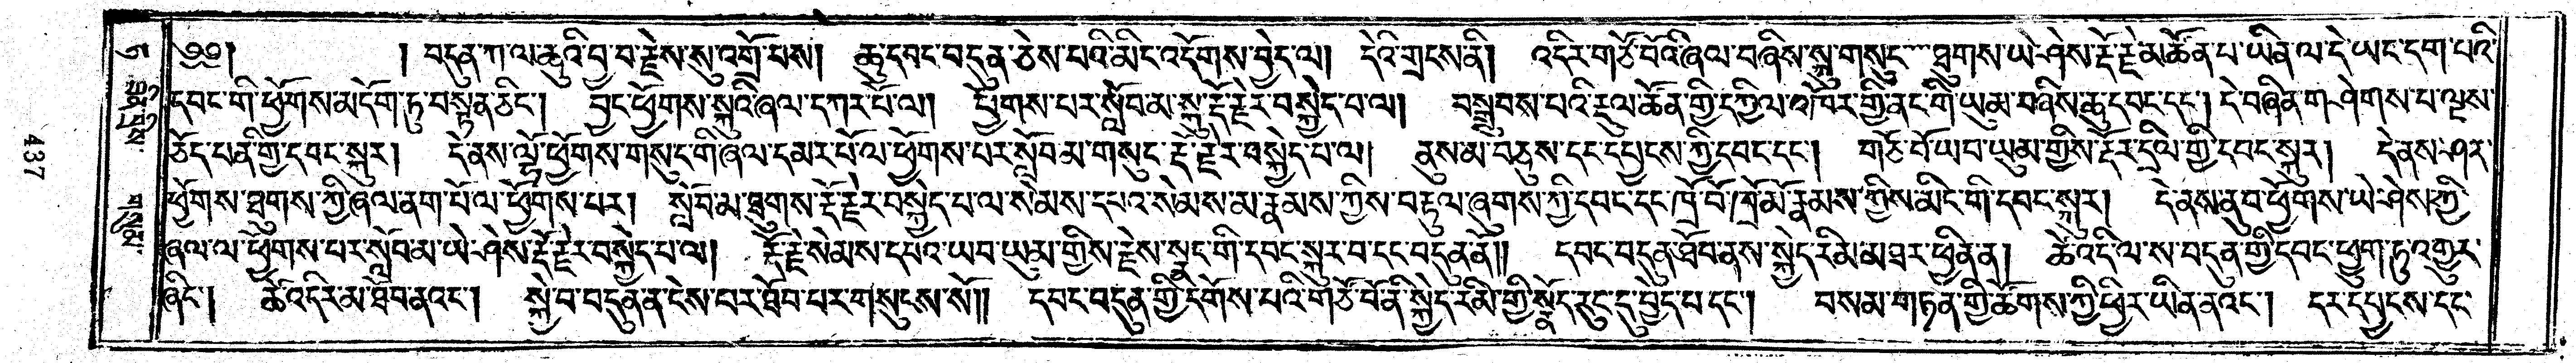༄༅། །བདུན་ཀ་ལ་ཆུའི་བྱ་བ་རྗེས་སུ་འགྲོ་པས། ཆུ་དབང་བདུན་ཅེས་པའི་མིང་འདོགས་བྱེད་ལ། དེའི་གྲངས་ནི། འདིར་གཙོ་བོའི་ཞལ་བཞིས་སྐུ་གསུང་ཐུགས་ཡེ་ཤེས་རྡོ་རྗེ་མཚོན་པ་ཡིན་ལ་དེ་ཡང་དག་པའི་
དབང་གི་ཕྱོགས་མདོག་ཏུ་བསྟན་ཅིང་། བྱང་ཕྱོགས་སྐུའི་ཞལ་དཀར་པོ་ལ། ཕྱོགས་པར་སློབ་མ་སྐུ་རྡོ་རྗེར་བསྐྱེད་པ་ལ། བསྒྲུབས་པའི་རྡུལ་ཚོན་གྱི་དཀྱིལ་འཁོར་གྱི་ནང་གི་ཡུམ་བཞིས་ཆུ་དབང་དང་། དེ་བཞིན་གཤེགས་པ་ལྔས་
ཅོད་པན་གྱི་དབང་སྐུར། དེ་ནས་ལྷོ་ཕྱོགས་གསུང་གི་ཞལ་དམར་པོ་ལ་ཕྱོགས་པར་སློབ་མ་གསུང་རྡོ་རྗེར་བསྐྱེད་པ་ལ། ནུས་མ་བཅུས་དང་དཔྱངས་ཀྱི་དབང་དང་། གཙོ་བོ་ཡབ་ཡུམ་གྱིས་རྡོར་དྲིལ་གྱི་དབང་སྐུར། དེ་ནས་ཤར་
ཕྱོགས་ཐུགས་ཀྱི་ཞལ་ནག་པོ་ལ་ཕྱོགས་པར། སློབ་མ་ཐུགས་རྡོ་རྗེར་བསྐྱེད་པ་ལ་སེམས་དཔའ་སེམས་མ་རྣམས་ཀྱིས་བརྟུལ་ཞུགས་ཀྱི་དབང་དང་ཁྲོ་བོ་ཁྲོ་མོ་རྣམས་ཀྱིས་མིང་གི་དབང་སྐུར། དེ་ནས་ནུབ་ཕྱོགས་ཡེ་ཤེས་ཀྱི་
ཞལ་ལ་ཕྱོགས་པར་སློབ་མ་ཡེ་ཤེས་རྡོ་རྗེར་བསྐྱེད་པ་ལ། རྡོ་རྗེ་སེམས་དཔའ་ཡབ་ཡུམ་གྱིས་རྗེས་སྣང་གི་དབང་སྐུར་བ་དང་བདུན་ནོ།། དབང་བདུན་ཐོབ་ནས་སྐྱེད་རིམ་མཐར་ཕྱིན་ན། ཚེ་འདི་ལ་ས་བདུན་གྱི་དབང་ཕྱུག་ཏུ་འགྱུར་
ཞིང་། ཚེ་འདིར་མ་ཐོབ་ནའང་། སྐྱེ་བ་བདུན་ན་ངེས་པར་ཐོབ་པར་གསུངས་སོ།། དབང་བདུན་གྱི་དགོས་པའི་གཙོ་བོ་ནི་སྐྱེད་རིམ་གྱི་སྣོད་རུང་དུ་བྱེད་པ་དང་། བསམ་གཏན་གྱི་ཚོགས་ཀྱི་ཕྱིར་ཡིན་ནའང་། དར་དཔྱངས་དང་